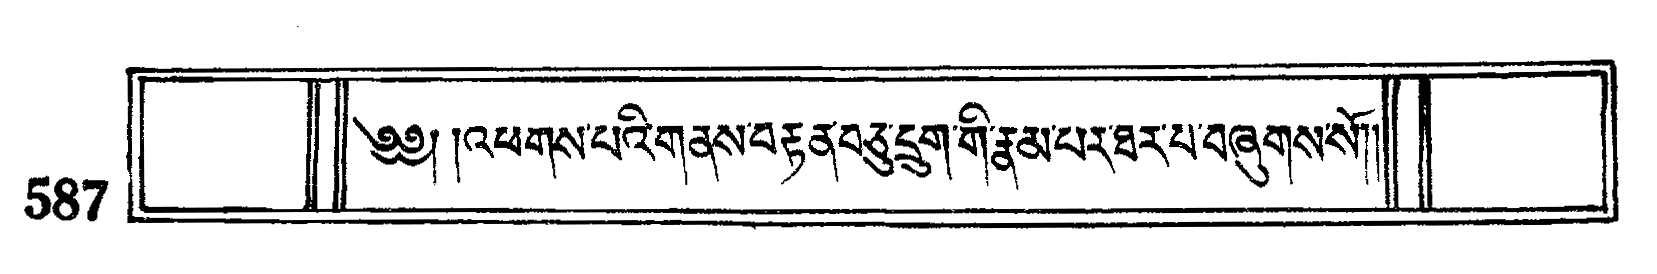༄༅། །འཕགས་པའི་གནས་བརྟན་བཅུ་དྲུག་གི་རྣམ་པར་ཐར་པ་བཞུགས་སོ།།